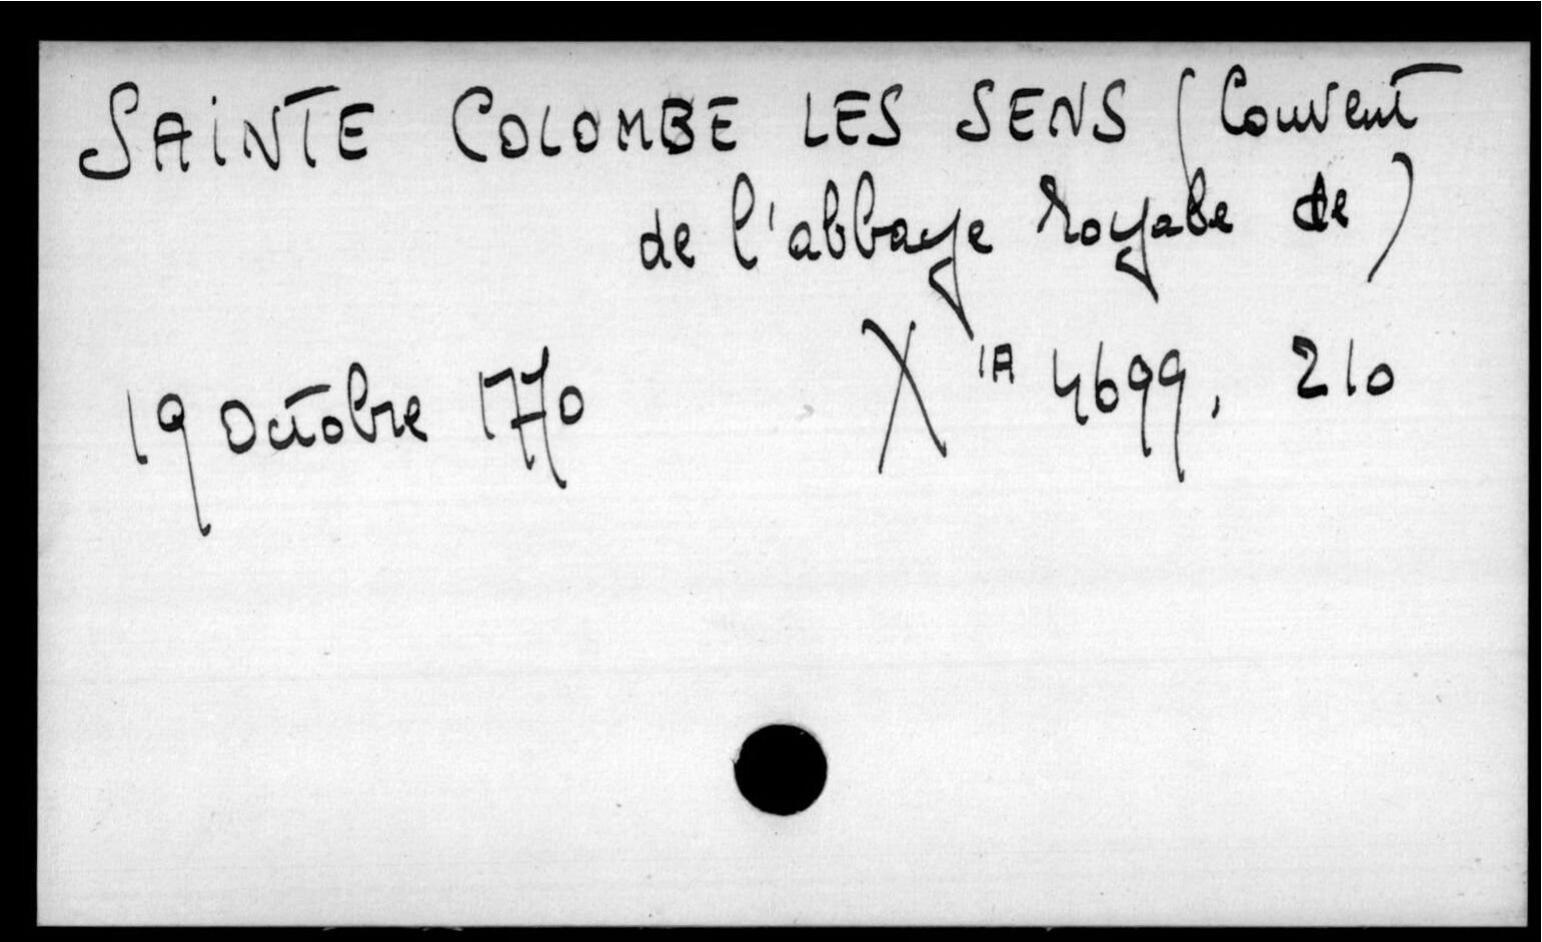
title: SAINTE COLOMBE LES SENS (Couvent de l'abbaye royale de)
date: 19 octobre 1770
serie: X1A
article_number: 4699
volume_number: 210
